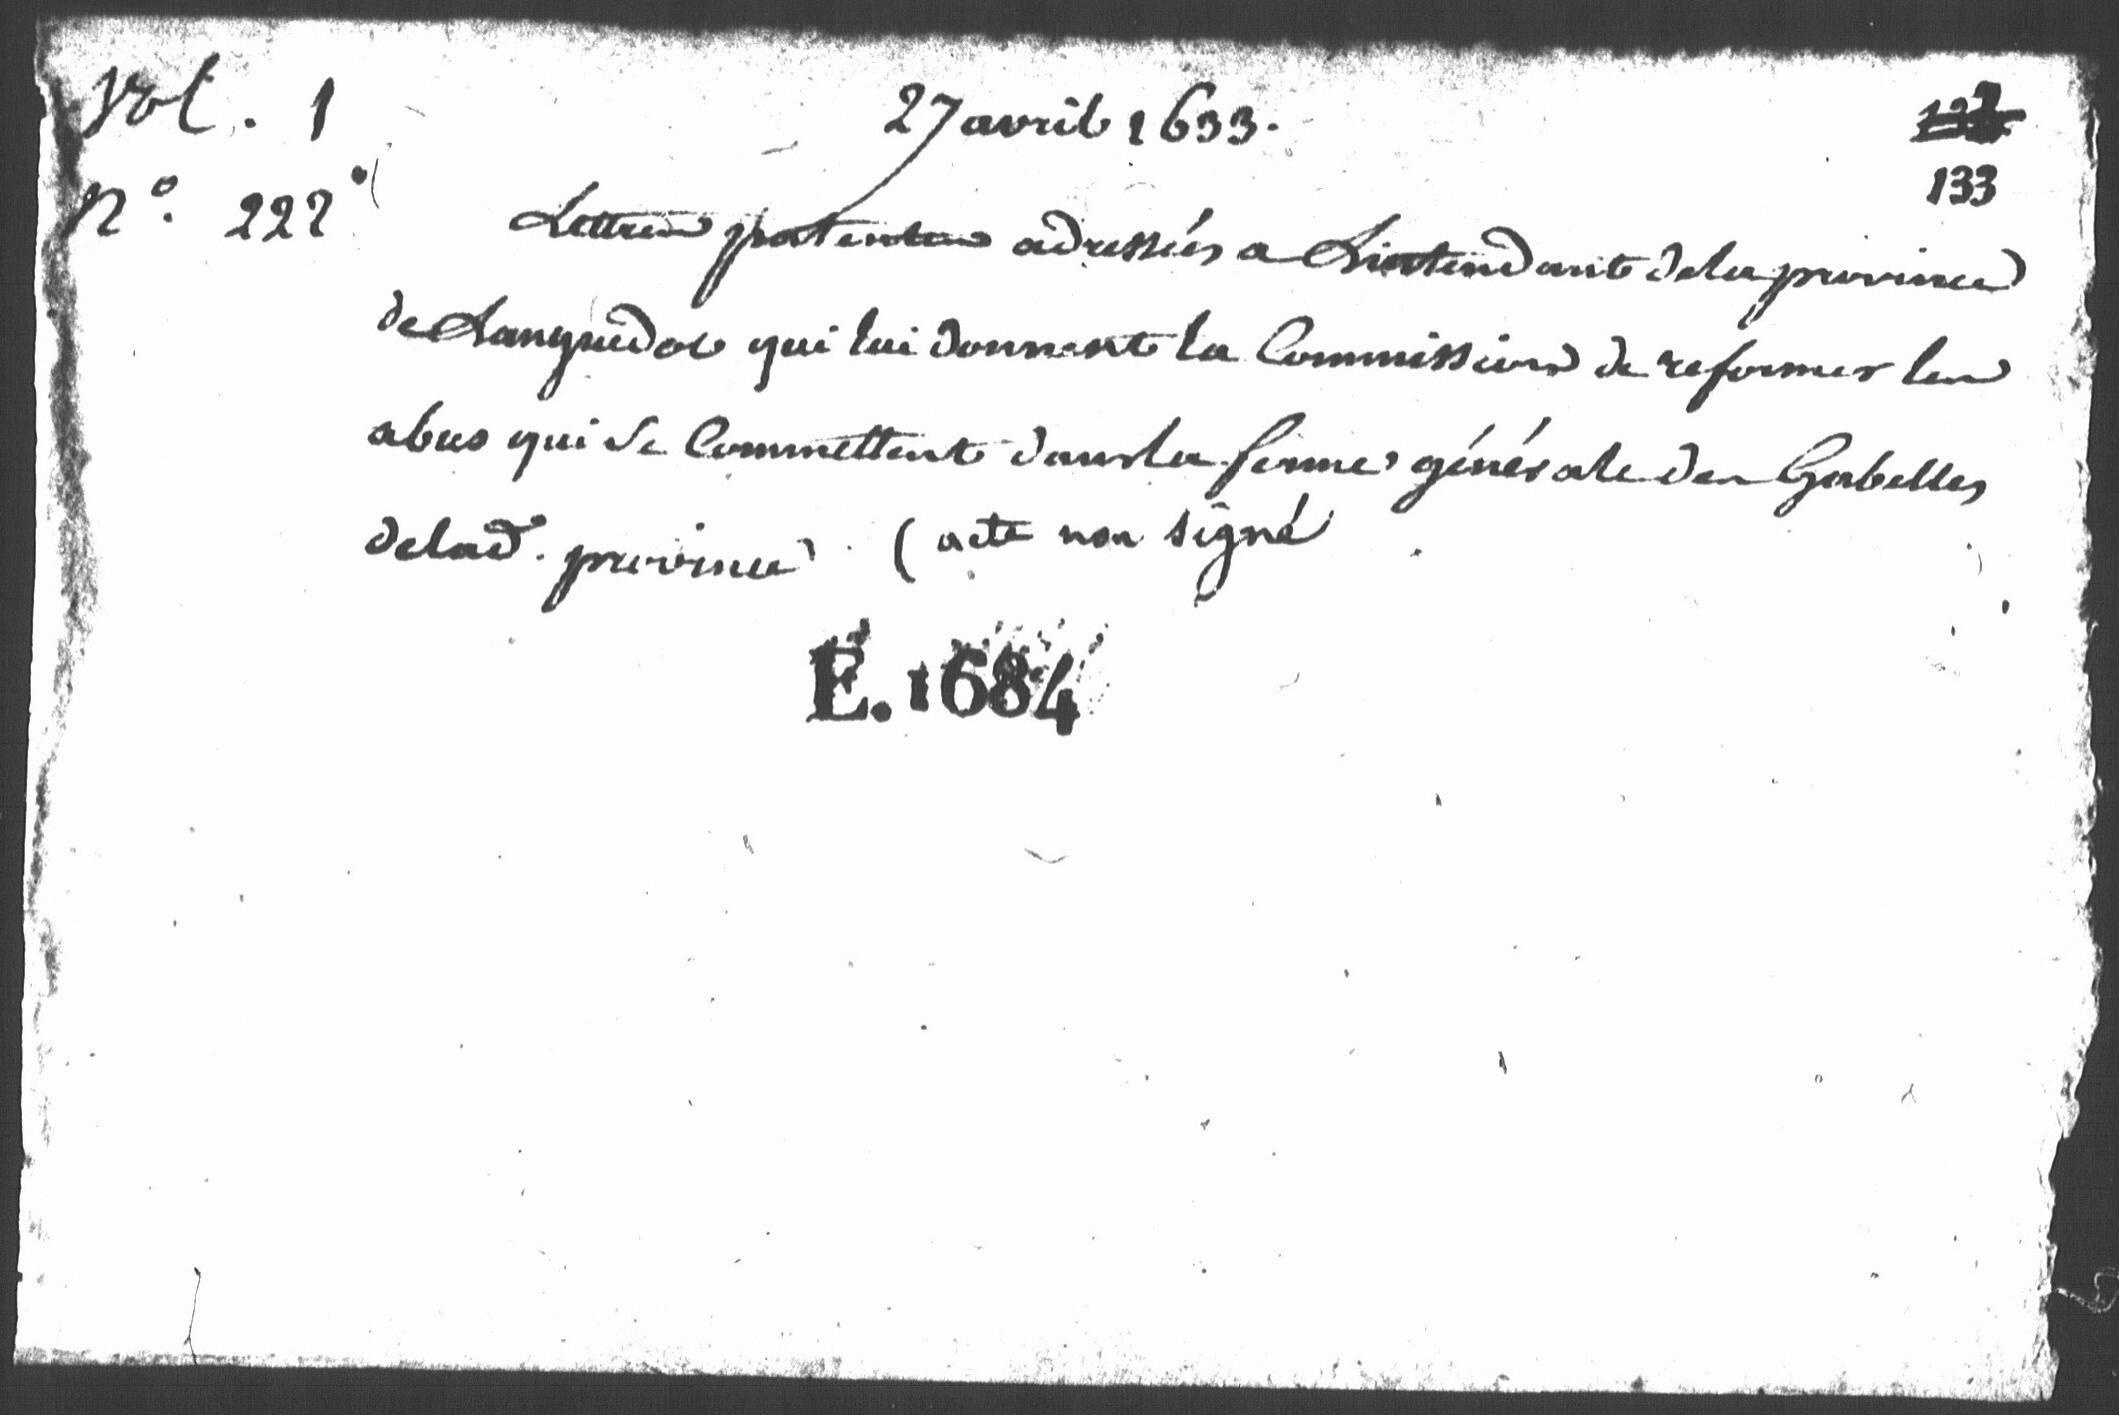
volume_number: n°222
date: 27 avril 1633
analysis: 133 [132 barré] acte non signé
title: Lettres patentes adressées a l'intendant de la province de Languedoc qui lui donnent la Commission de reformer les abus qui se commettent dans la ferme générale des Gabelles delad. province
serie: E
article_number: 1684
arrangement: vol. 1
